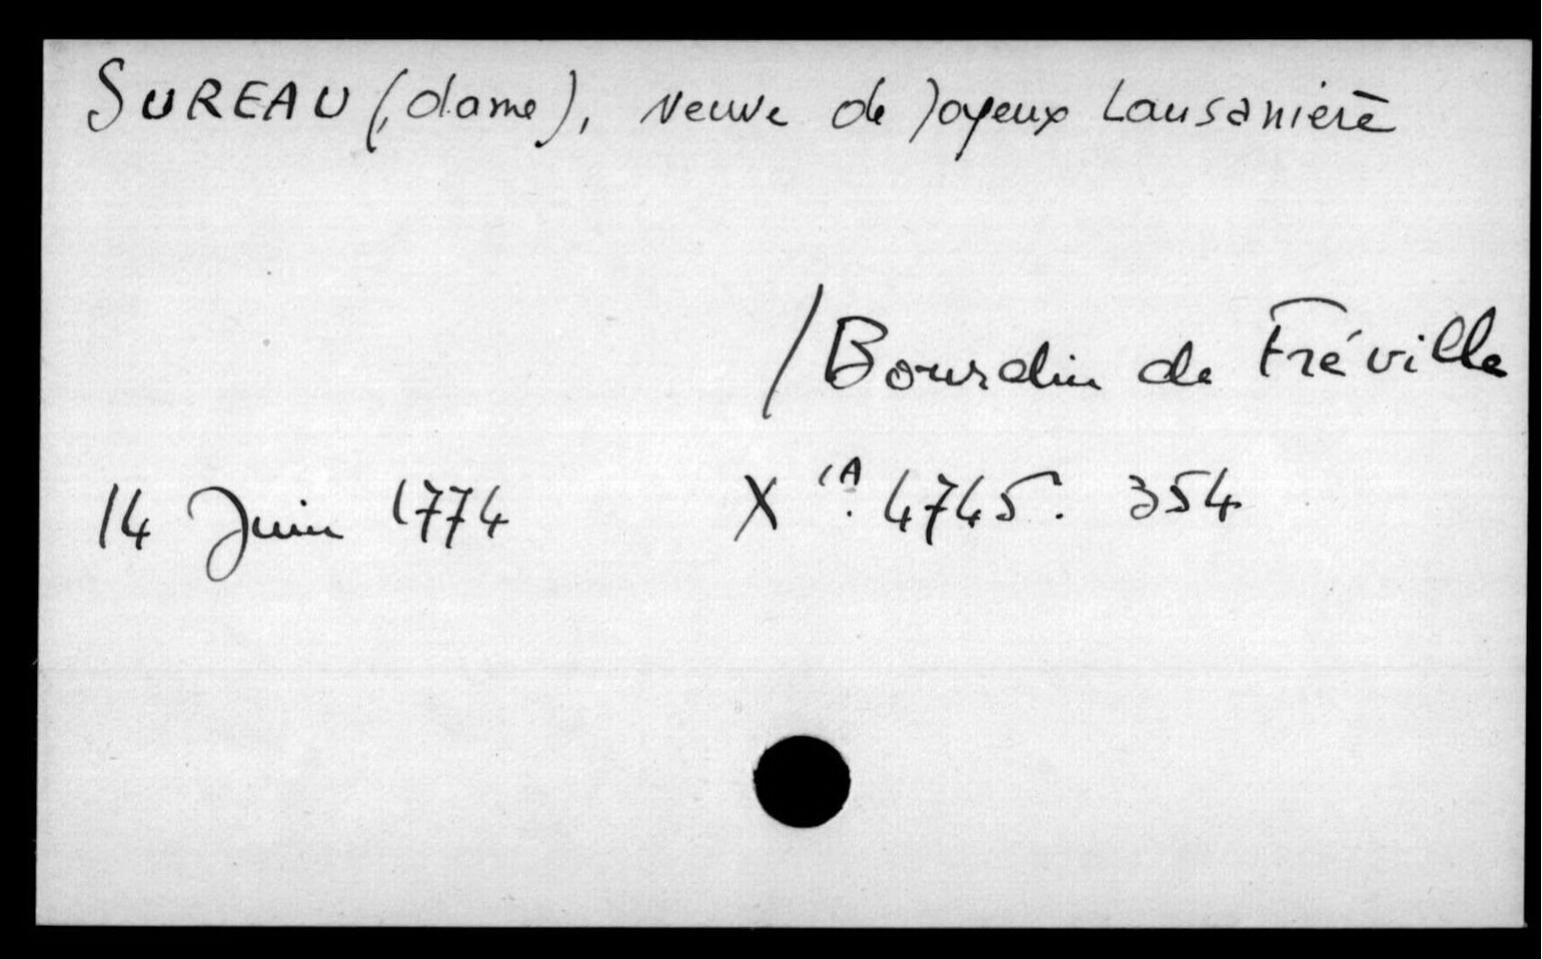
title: SUREAU (dame), veuve de Joyeux Lausanière
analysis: Contre Bourdin de Fréville
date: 14 juin 1774
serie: X1A
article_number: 4745
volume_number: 354
